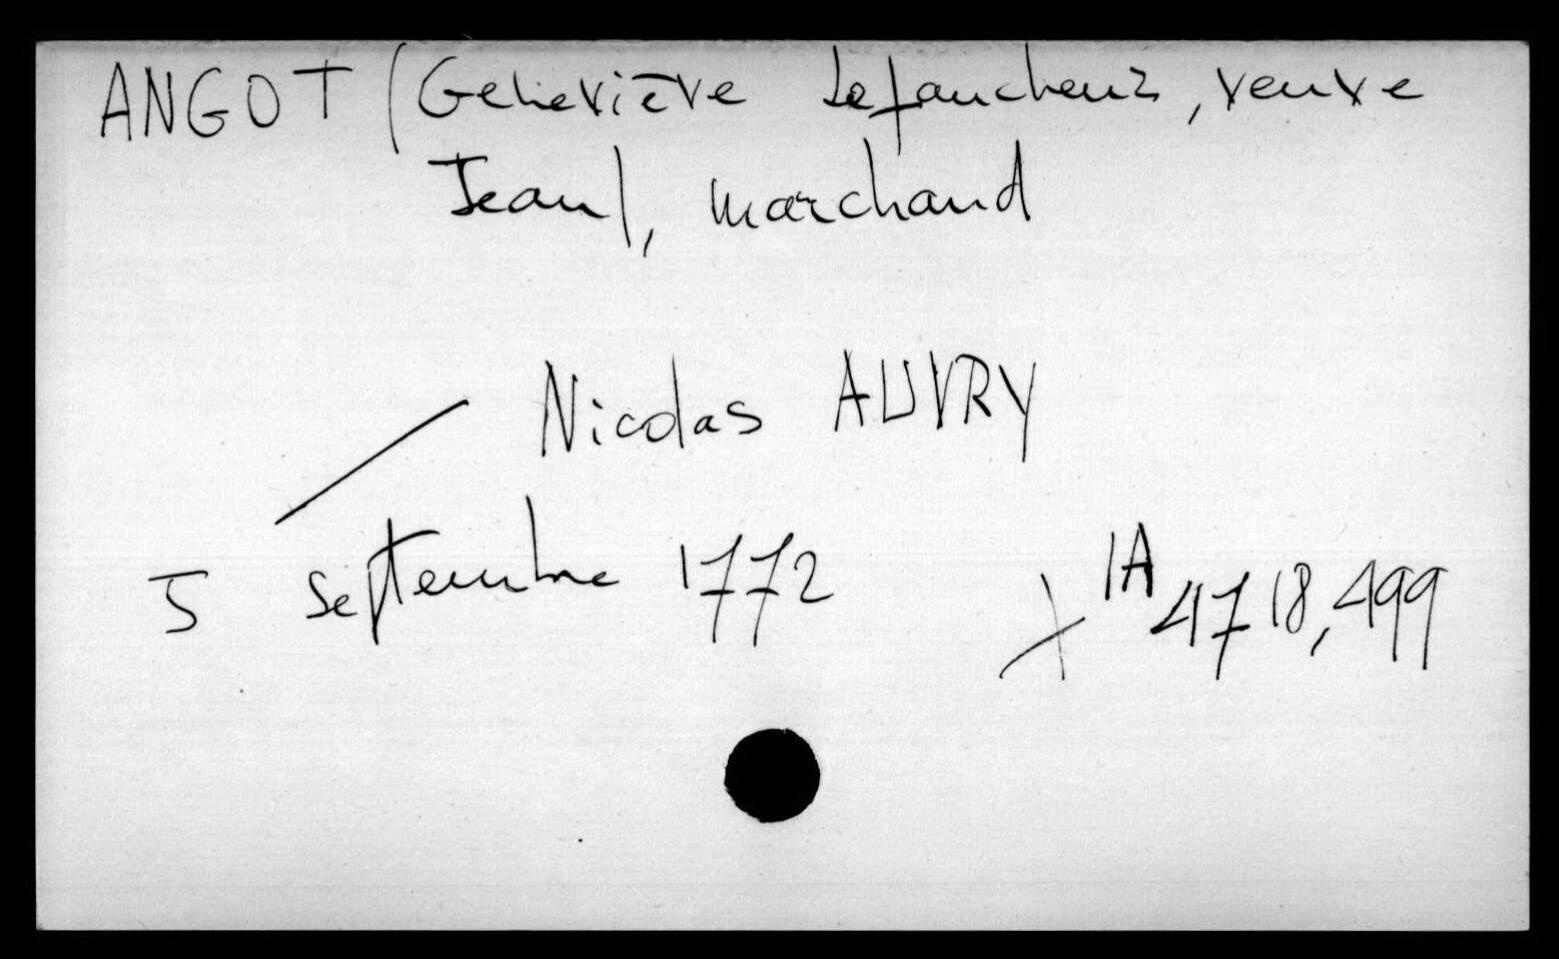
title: ANGOT (Geneviève Lefaucheur, veuve Jean), marchand
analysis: Contre Nicolas AUVRY
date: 5 septembre 1772
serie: X1A
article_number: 4718
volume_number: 499
